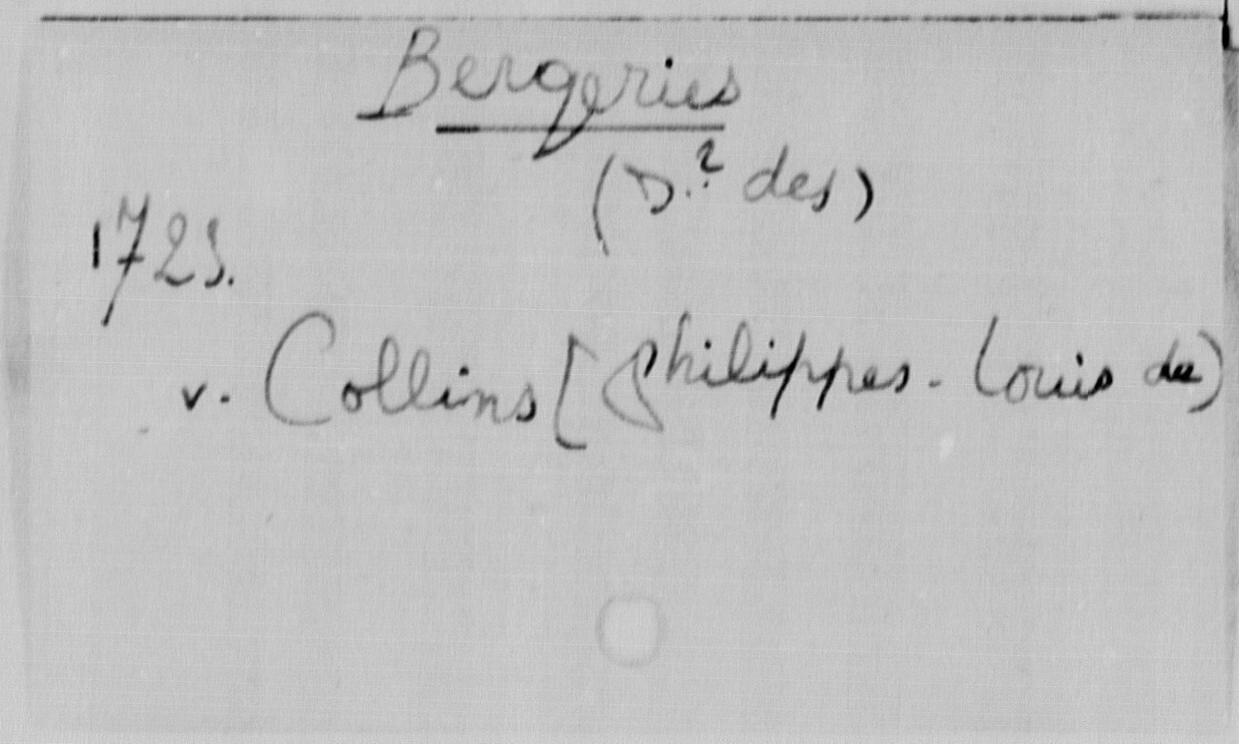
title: Bergeries (seigneur des)
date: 1723
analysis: Voir : COLLINS (Philippes-Louis de)
